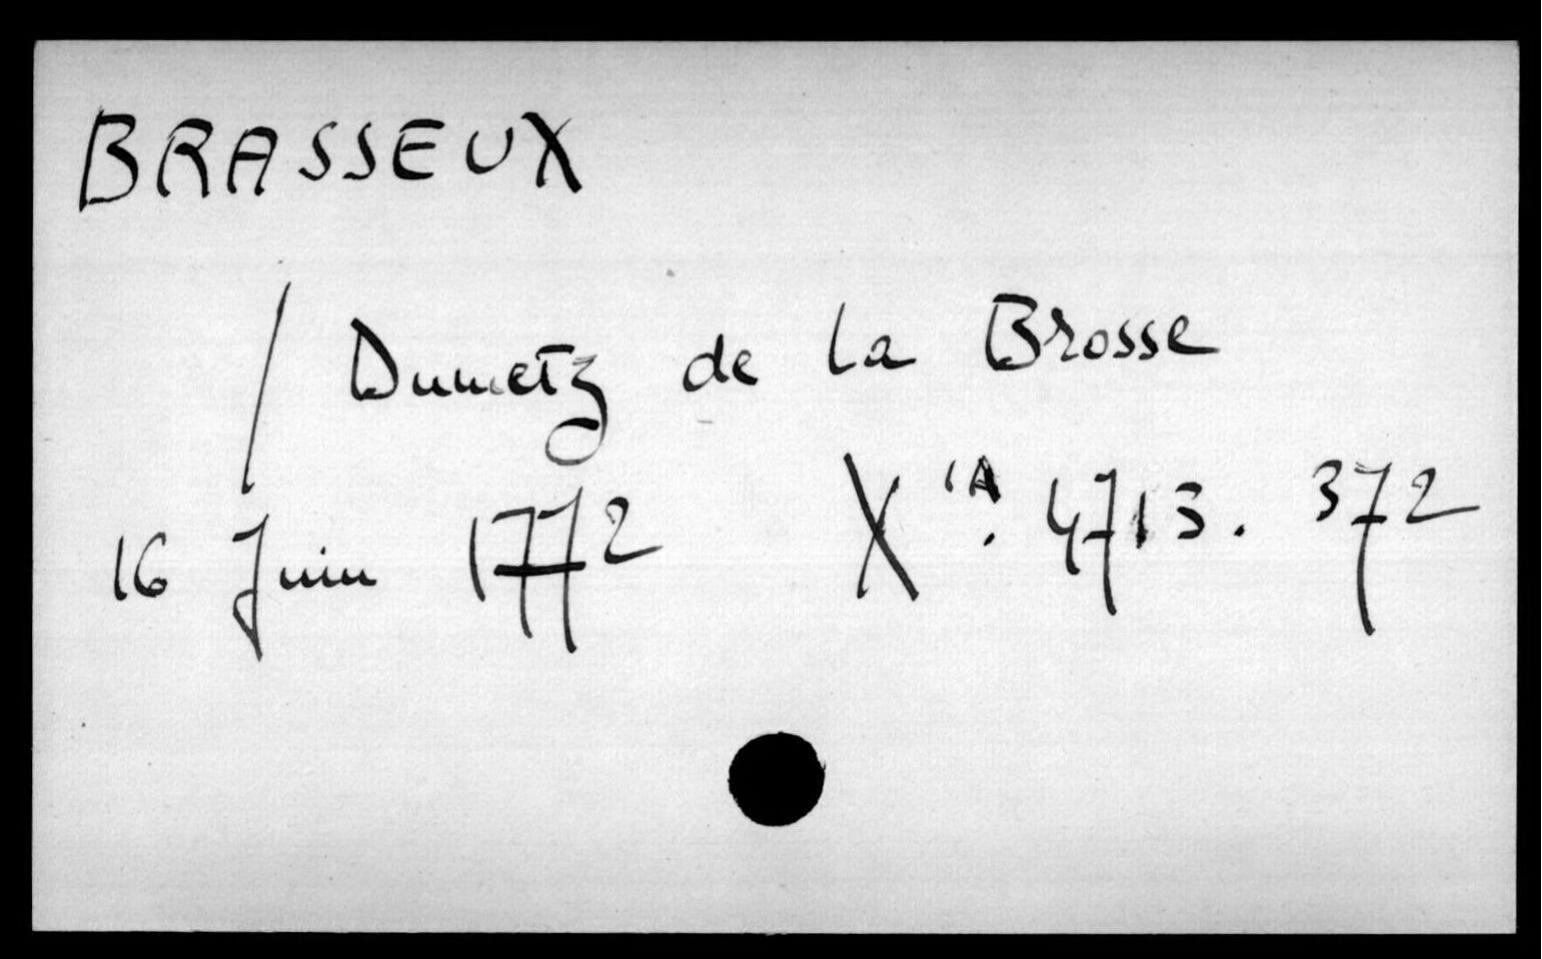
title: BRASSEUX
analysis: Contre Dumetz de La Brosse
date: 16 juin 1772
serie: X1A
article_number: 4713
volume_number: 372
